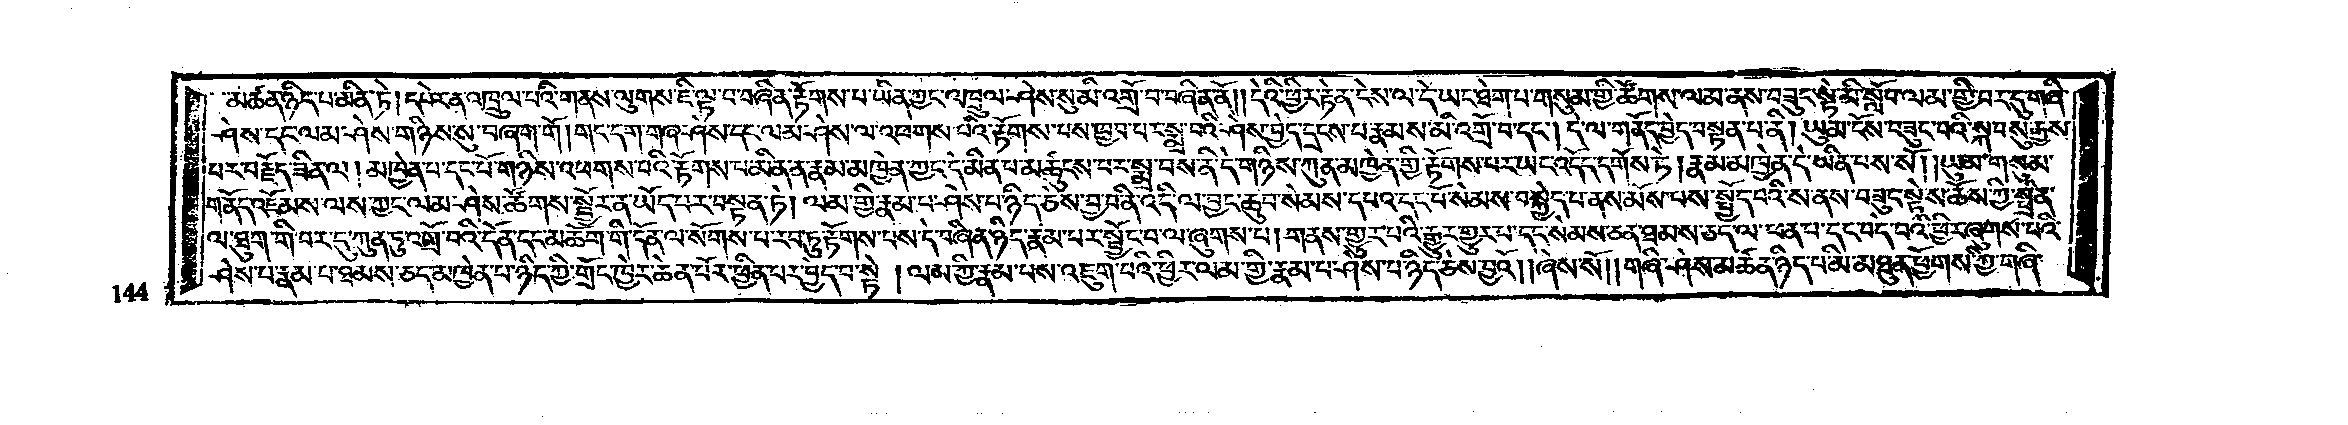མཚན་ཉིད་པ་མིན་ཏེ། དཔེར་ན་འཁྲུལ་པའི་གནས་ལུགས་ཇི་ལྟ་བ་བཞིན་རྟོགས་པ་ཡིན་ཀྱང་འཁྲུལ་ཤེས་སུ་མི་འགྲོ་བ་བཞིན་ནོ། །དེའི་ཕྱིར་རྟེན་ངེས་ལ་དེ་ཡང་ཐེག་པ་གསུམ་གྱི་ཚོགས་ལམ་ནས་བཟུང་སྟེ་མི་སློབ་ལམ་གྱི་བར་དུ་གཞི་
ཤེས་དང་ལམ་ཤེས་གཉིས་སུ་བཞག་གོ །གང་དག་གཞི་ཤེས་དང་ལམ་ཤེས་ལ་འཕགས་པའི་རྟོགས་པས་ཁྱབ་པར་སྨྲ་བའི་ཤེས་བྱེད་དྲངས་པ་རྣམས་མི་འགྲོ་བ་དང་། དེ་ལ་གནོད་བྱེད་བསྟན་པ་ནི། ཡུམ་ངོས་བཟུང་བའི་སྐབས་སུ་རྒྱས་
པར་བརྗོད་ཟིན་ལ། མཁྱེན་པ་དང་པོ་གཉིས་འཕགས་པའི་རྟོགས་པ་མིན་ན་རྣམ་མཁྱེན་ཀྱང་དེ་མིན་པ་མཚུངས་པར་སྨྲ་བས་ནི་དེ་གཉིས་ཀུན་མཁྱེན་གྱི་རྟོགས་པར་ཡང་འདོད་དགོས་ཏེ། རྣམ་མཁྱེན་དེ་ཡིན་པས་སོ། །ཡུམ་གསུམ་
གནོད་འཇོམས་ལས་ཀྱང་ལམ་ཤེས་ཚོགས་སྦྱོར་ན་ཡོད་པར་བསྟན་ཏེ། ལམ་གྱི་རྣམ་པ་ཤེས་པ་ཉིད་ཅེས་བྱ་བ་ནི་འདི་ལ་བྱང་ཆུབ་སེམས་དཔའ་དང་པོ་སེམས་བསྐྱེད་པ་ནས་མོས་པས་སྤྱོད་པའི་ས་ནས་བཟུང་སྟེ་ས་ཆོས་ཀྱི་སྤྲིན་
ལ་ཐུག་གི་བར་དུ་ཀུན་ཏུ་འགྲོ་བའི་དོན་དང་མཆོག་གི་དོན་ལ་སོགས་པ་རབ་ཏུ་རྟོགས་པས་དེ་བཞིན་ཉིད་རྣམ་པར་སྦྱོང་བ་ལ་ཞུགས་པ། གནས་གྱུར་པའི་རྒྱུར་གྱུར་པ་དང་སེམས་ཅན་ཐམས་ཅད་ལ་ཕན་པ་དང་བདེ་བའི་ཕྱིར་ཞུགས་པའི་
ཤེས་པ་རྣམ་པ་ཐམས་ཅད་མཁྱེན་པ་ཉིད་ཀྱི་གྲོང་ཁྱེར་ཆེན་པོར་ཕྱིན་པར་བྱེད་པ་སྟེ། ལམ་གྱི་རྣམ་པས་འཇུག་པའི་ཕྱིར་ལམ་གྱི་རྣམ་པ་ཤེས་པ་ཉིད་ཅེས་བྱའོ། །ཞེས་སོ། །གཞི་ཤེས་མཚན་ཉིད་པ་མི་མཐུན་ཕྱོགས་ཀྱི་གཞི་